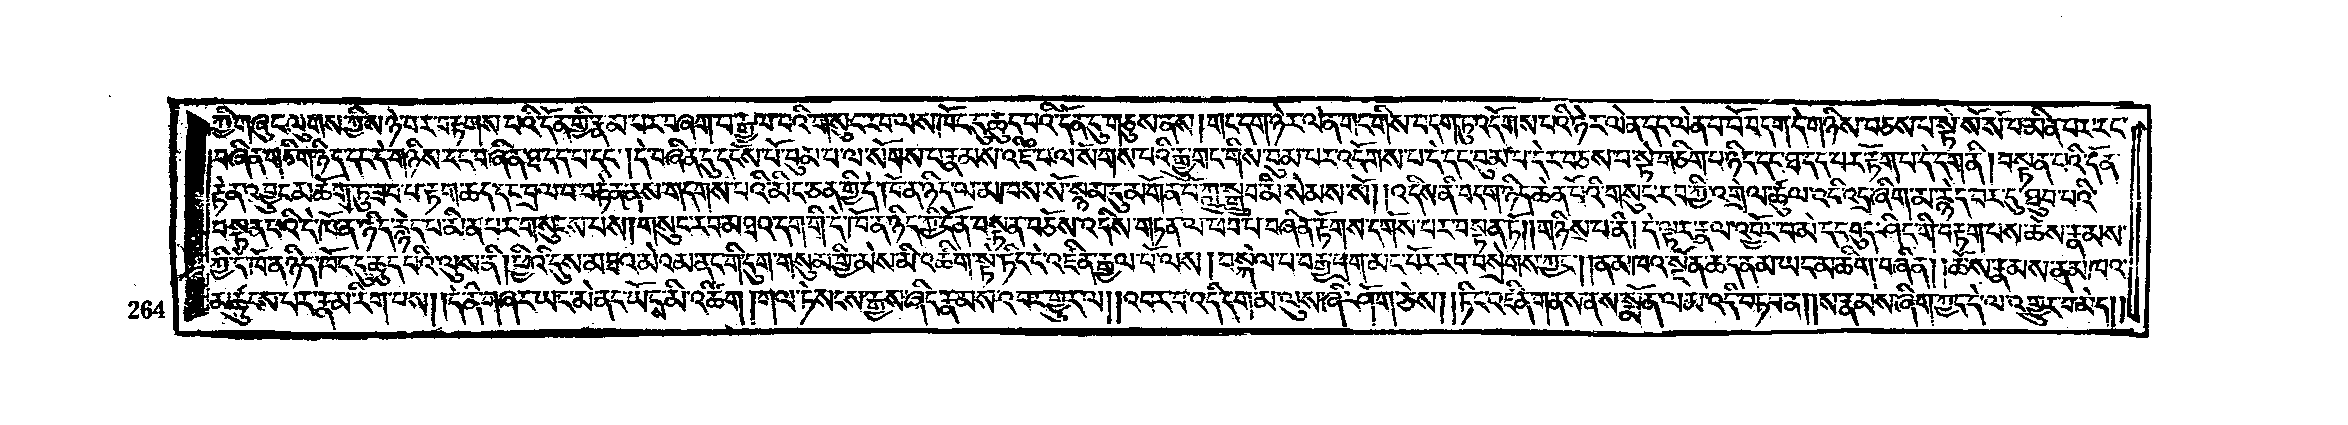ཀྱི་གཞུང་ལུགས་ཀྱིས་ཉེ་བར་བརྟགས་པའི་དེན་གྱིས་རྣམ་པར་བཞག་པ་རྒྱལ་བའི་གསུང་རབ་ལས་ཁོང་དུ་ཆུད་པའི་དོན་དུ་གཅུས་ནས། གང་དག་ཉེར་ལེན་གང་གིས་བདག་ཏུ་འདོགས་པའི་ཉེར་ལེན་དང་ལེན་པ་པོ་བདག་དེ་གཉིས་བཅས་པ་སྟེ་སོ་སོ་བ་མིན་པར་རང་
བཞིན་གཅིག་ཉིད་དང་དེ་གཉིས་རང་བཞིན་ཐ་དད་པ་དང་། དེ་བཞིན་དུ་དངོས་པོ་བུམ་པ་ལ་སོགས་པ་རྣམས་འཛིཾ་པ་ལ་སོགས་པའི་རྒྱུ་གང་གིས་བུམ་པར་འདོགས་པ་དེ་དང་བུམ་པ་དེར་བཅས་པ་སྟེ་གཅིག་པ་ཉིད་དང་ཐ་དད་པར་རྟོག་པ་དེ་དག་ནི། བསྟན་པའི་དོན་
རྟེན་འབྱུང་མཆོག་ཏུ་ཟབ་པ་རྟག་ཆད་དང་བྲལ་བ་བརྟེན་ནས་གདགས་པའི་མིང་ཅན་གྱི་དེ་ཁོ་ན་ཉིད་ལ་མཁས་སོ་སྙམ་དུ་མགོན་པོ་ཀླུ་སྒྲུབ་མི་སེམས་སོ། །འདིས་ནི་བདག་ཉིད་ཆེན་པོའི་གསུང་རབ་ཀྱི་འགྲེལ་ཚུལ་འདི་འདྲ་ཞིག་མ་རྙེད་པར་དུ་ཐུབ་པའི་
བསྟན་པའི་དེ་ཁོ་ན་ཉིད་རྙེད་པ་མིན་པར་གསུངས་པས། གསུང་རབ་མཐའ་དག་གི་དེ་ཁོ་ན་ཉིད་ཀྱིས་དེན་བསྟན་བཅོས་འདིས་གཏན་ལ་ཕབ་པ་བཞིན་རྟོགས་དགོས་པར་བསྟན་ཏེ། །གཉིས་པ་ནི། དེ་ལྟར་རྣལ་འབྱོར་པ་མེ་དང་བུད་ཤིང་གི་བརྟག་པས་ཆོས་རྣམས་
ཀྱི་དེ་ཁོ་ན་ཉིད་ཁེང་དུ་ཆུད་པའི་ལུས་ནི། ཕྱིའི་དུས་མཐའི་མེའམ་ནང་གི་དུག་གསུམ་གྱི་མེས་མི་འཚིག་སྟེ་ཏིང་ངེ་འཛིན་རྒྱལ་པོ་ལས། བསྐལ་བ་བརྒྱ་ཕྲག་མང་པོར་རབ་བསྲེགས་ཀྱང་། །ནམཁའ་སྔོན་ཆད་ནམ་ཡང་མ་ཚིག་བཞིན། །ཆོས་རྣམས་ནམཁའ་
མཚུངས་པར་རྣམ་རིག་པས། །དེ་ནི་གཞར་ཡང་མེ་ནང་ཡོངས་མི་འཚིག །གལ་ཏེ་སངས་རྒྱས་ཞིང་རྣམས་འབར་འགྱུར་ལ། །འབར་བ་འདི་དག་མ་ལུས་ཞི་ཤོག་ཅེས། །ཏིང་ངེ་འཛིན་གནས་ནས་སྨོན་ལམ་འདི་བཏབ་ན། ས་རྣམས་ཞིག་ཀྱང་དེ་ལ་འགྱུར་བ་མེད། །